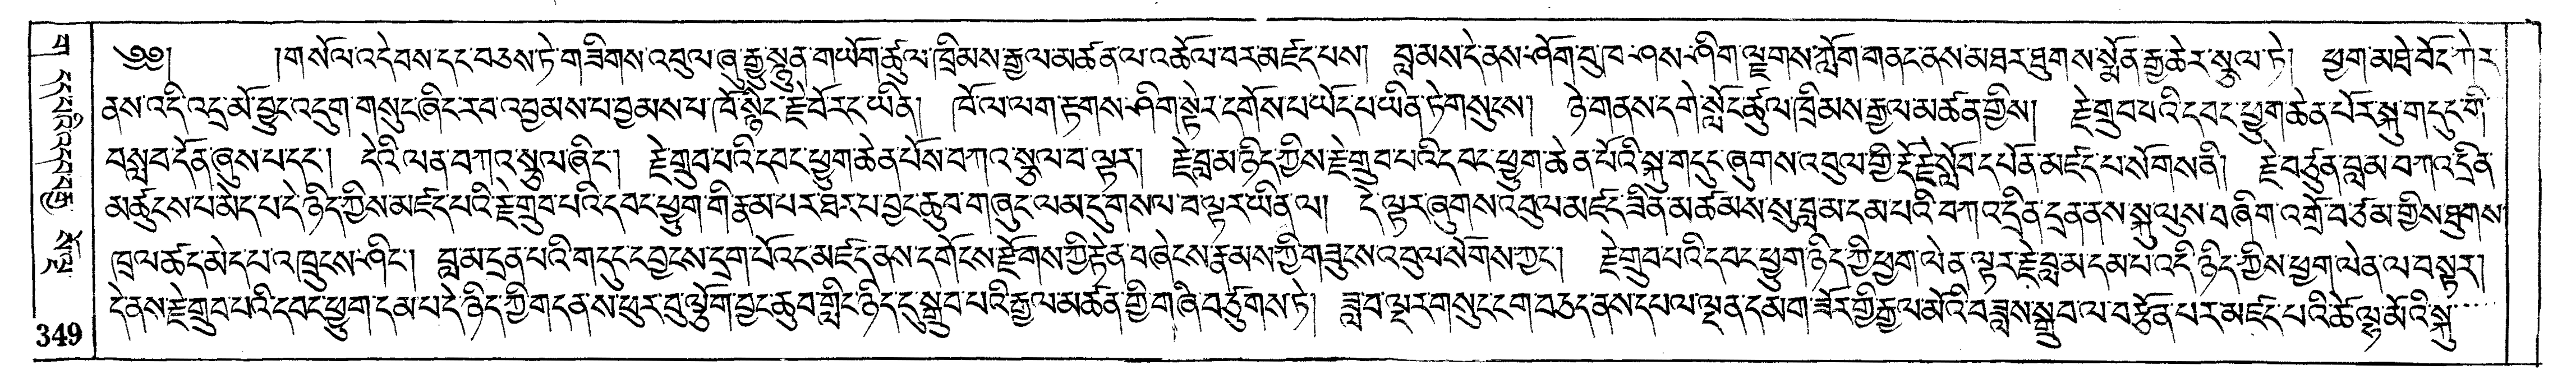༄༅། །གསོལ་འདེབས་དང་བཅས་ཏེ་གཟིགས་འབུལ་ཞུ་རྒྱུ་སྙུན་གཡོག་ཚུལ་ཁྲིམས་རྒྱལ་མཚན་ལ་འཆོལ་བར་མཛད་པས། བླ་མས་དེ་ནས་ཤོག་བུ་ཁ་ཤས་ཤིག་ལྗགས་ཀློག་གནང་ནས་མཐར་ཐུགས་སྨོན་རྒྱ་ཆེར་སྩལ་ཏེ། ཕྱག་མཐེ་བོང་ཀེར་
ནས་འདི་འདྲ་མོ་བྱུང་འདུག་གསུང་ཞིང་རབ་འབྱམས་པ་བྱམས་པ་ཁོ་སྙིང་རྗེ་པོ་རང་ཡིན། ཁོ་ལ་ལག་རྟགས་ཤིག་སྟེར་དགོས་པ་ཡོད་པ་ཡིན་ཏེ་གསུངས། ཉེ་གནས་དགེ་སློང་ཚུལ་ཁྲིམས་རྒྱལ་མཚན་གྱིས། རྗེ་གྲུབ་པའི་དབང་ཕྱུག་ཆེན་པོར་སྐུ་གདུང་གི་
བསླབ་དོན་ཞུས་པ་དང་། དེའི་ལན་བཀའ་སྩལ་ཞིང་། རྗེ་གྲུབ་པའི་དབང་ཕྱུག་ཆེན་པོས་བཀའ་སྩལ་བ་ལྟར། རྗེ་བླ་མ་ཉིད་ཀྱིས་རྗེ་གྲུབ་པའི་དབང་ཕྱུག་ཆེན་པོའི་སྐུ་གདུང་ཞུགས་འབུལ་གྱི་རྡོ་རྗེ་སློབ་དཔོན་མཛད་པ་སོགས་ནི། རྗེ་བཙུན་བླ་མ་བཀའ་དྲིན་
མཚུངས་པ་མེད་པ་དེ་ཉིད་ཀྱིས་མཛད་པའི་རྗེ་གྲུབ་པའི་དབང་ཕྱུག་གི་རྣམ་པར་ཐར་པ་བྱང་ཆུབ་གཞུང་ལམ་དུ་གསལ་བ་ལྟར་ཡིན་ལ། དེ་ལྟར་ཞུགས་འབྲལ་མཛད་ཟིན་མཚམས་སུ་བླ་མ་དམ་པའི་བཀའ་དྲིན་དྲན་ནས་སྐུ་ལུས་བཞིག་འགྲོ་བཙམ་གྱིས་ཐུགས་
ཁྲལ་ཚད་མེད་པ་འཁྲུངས་ཤིང་། བླ་མ་དྲན་པའི་གདུང་དབྱངས་དྲག་པོའང་མཛད་ནས་དགོངས་རྫོགས་ཀྱི་རྟེན་བཞེངས་རྣམས་ཀྱི་གཟུངས་འབུལ་སོགས་ཀྱང་། རྗེ་གྲུབ་བའི་དབང་ཕྱུག་ཉིད་ཀྱི་ཕྱག་ལེན་ལྟར་རྗེ་བླ་མ་དམ་པ་འདི་ཉིད་ཀྱིས་ཕྱག་ལེན་ལ་བསྟར།
དེ་ནས་རྗེ་གྲུབ་པའི་དབང་ཕྱུག་དམ་པ་དེ་ཉིད་ཀྱི་གདན་ས་ཕུར་བུ་ལྕོག་བྱང་ཆུབ་གླིང་ཉིད་དུ་སྒྲུབ་པའི་རྒྱལ་མཚན་གྱི་གཞི་བཙུགས་ཏེ། ཟླ་བ་ལྔར་གསུང་དག་བཅད་ནས་དཔལ་ལྡན་དམག་ཟོར་གྱི་རྒྱལ་མོའི་བཟླས་སྒྲུབ་ལ་བརྩོན་པར་མཛད་པའི་ཚེ་ལྷ་མོའི་སྐུ་